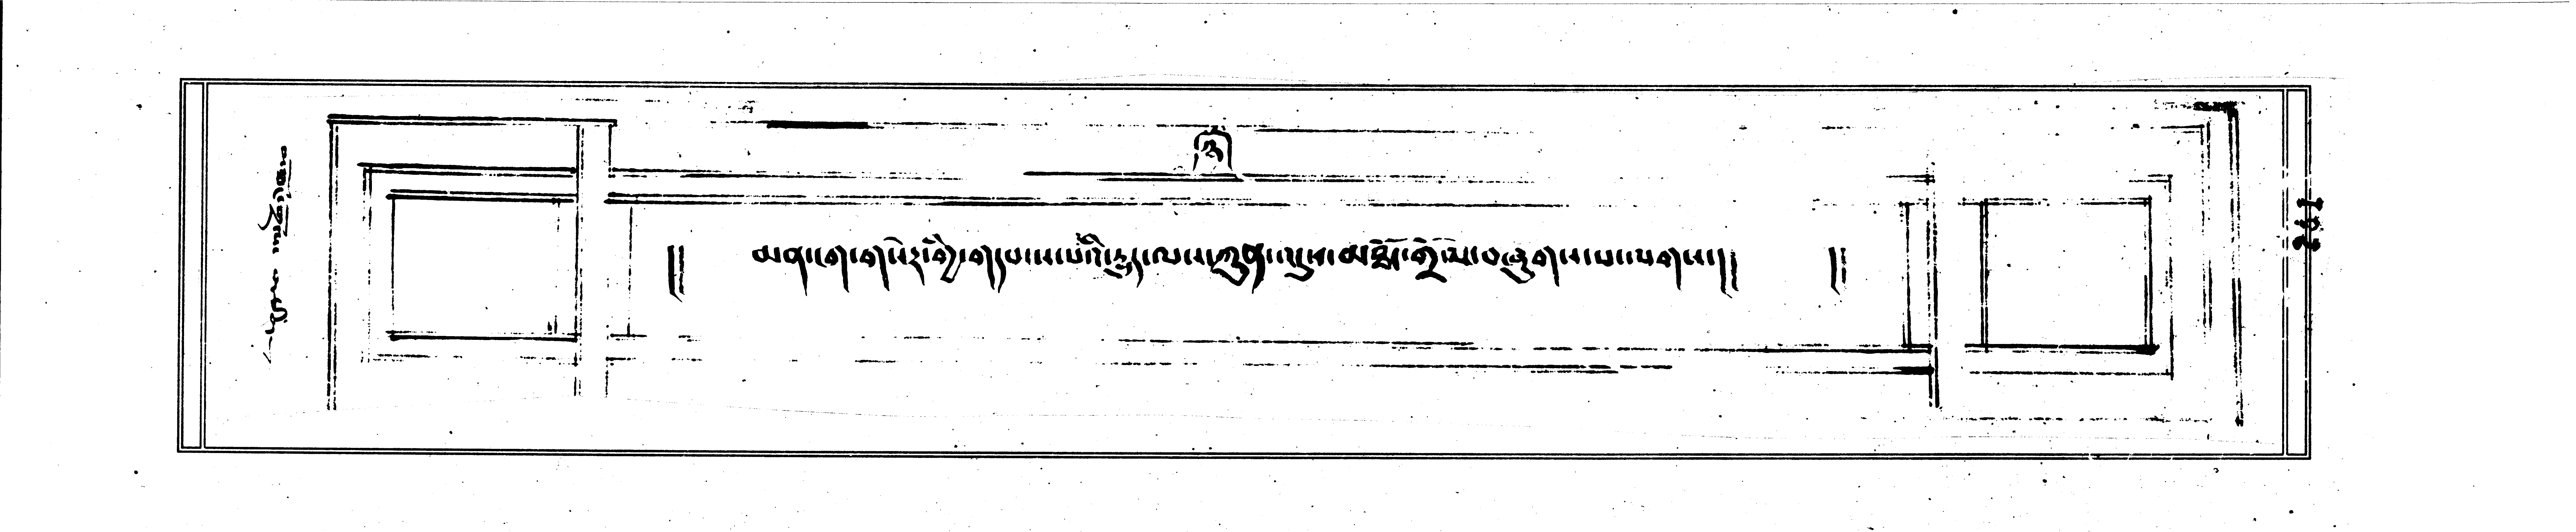༼ཉ༽།། མན་ངག་གསེར་གྱི་གདམས་པའི་རྒྱུད་ལས་ཀུན་འདུས་མཐོང་གྲོལ་བཞུགས་པ་ལགས།།